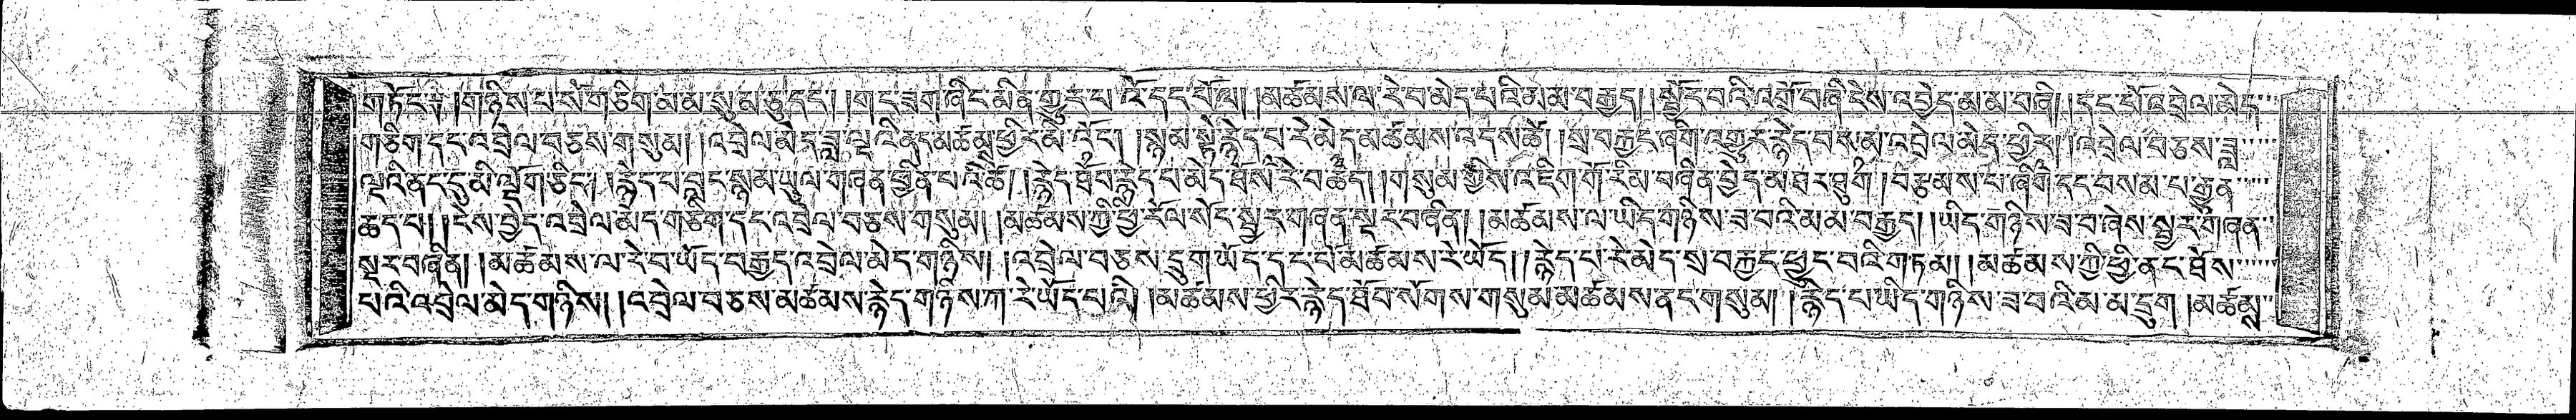གཏོང༑ །གཉིས་པ་སོ་གཅིག་མ་མ་སུམ་ཅུ་དང་། །གང་ཟག་ཞིང་མིན་གྱུར་པའོ་དང་པོ་ལ། །མཚམས་ལ་རེ་བ་མེད་པའི་མ་མ་བརྒྱད། །སྦྱོར་བའི་འགྲོ་བཞི་ངེས་འབྱེད་མ་མ་བཞི། །དང་པོ་འབྲེལ་མེད་
གཅིག་དང་འབྲེལ་བཅས་གསུམ། །འབྲེལ་མེད་ཟླ་ལྔའི་ནང་མཚམས་ཕྱིར་མི་འོང་། །སྙམ་སྟེ་རྙེད་པ་རེ་མེད་མཚམས་འདས་ཚེ། །སྲ་བརྐྱང་ཞིག་འགྱུར་རྙེད་བསམ་འབྲེལ་མེད་ཕྱིར། །འབྲེལ་བཅས་ཟླ་
ལྔའི་ནང་དུ་མི་ལྡོག་ཅིང་། །རྙེད་པ་བླང་སྙམ་ཡུལ་གཞན་ཕྱིན་པའི་ཚེ། །རྙེད་ཐོབ ༡་རྙེད་པ་མེད་ཐོས ༢་རེ་བ་ཆད ༣། །གསུམ་གྱིས་འཇིག་གོ་རིམ་བཞིན་བྱེད་མཐར་ཐུག ༡་།བརྩམས་པ་ཞིག ༢་དང་བསམ་པ་རྒྱུན་
ཆད་པ། །ངེས་བྱེད་འབྲེལ་མེད་གཅིག་དང་འབྲེལ་བཅས་གསུམ། །མཚམས་ཀྱི་ཕྱི་རོལ་སོང་སྦྱར་གཞན་སྔར་བཞིན། །མཚམས་ལ་ཡིད་གཉིས་ཟ་བའི་མ་མ་བརྒྱད། །ཡིད་གཉིས་ཟ་བ་ཞེས་སྦྱར་གཞན་
སྔར་བཞིན། །མཚམས་ལ་རེ་བ་ཡོད་བརྒྱད་འབྲེལ་མེད་གཉིས། །འབྲེལ་བཅས་དྲུག་ཡོད་དང་པོ་མཚམས་རེ་ཡོད། །རྙེད་པ་རེ་མེད་སྲ་བརྐྱང་ཕྱུང་བའི་གཏམ། །མཚམས་ཀྱི་ཕྱི་ནང་ཐོས་
པའི་འབྲེལ་མེད་གཉིས། །འབྲེལ་བཅས་མཚམས་རྙེད་གཉིས་ཀ་རེ་ཡོད་པའི། །མཚམས་ཕྱིར་རྙེད་ཐོབ་སོགས་གསུམ་མཚམས་ནང་གསུམ། །རྙེད་པ་ཡིད་གཉིས་ཟ་བའི་མ་མ་དྲུག །མཚམས་